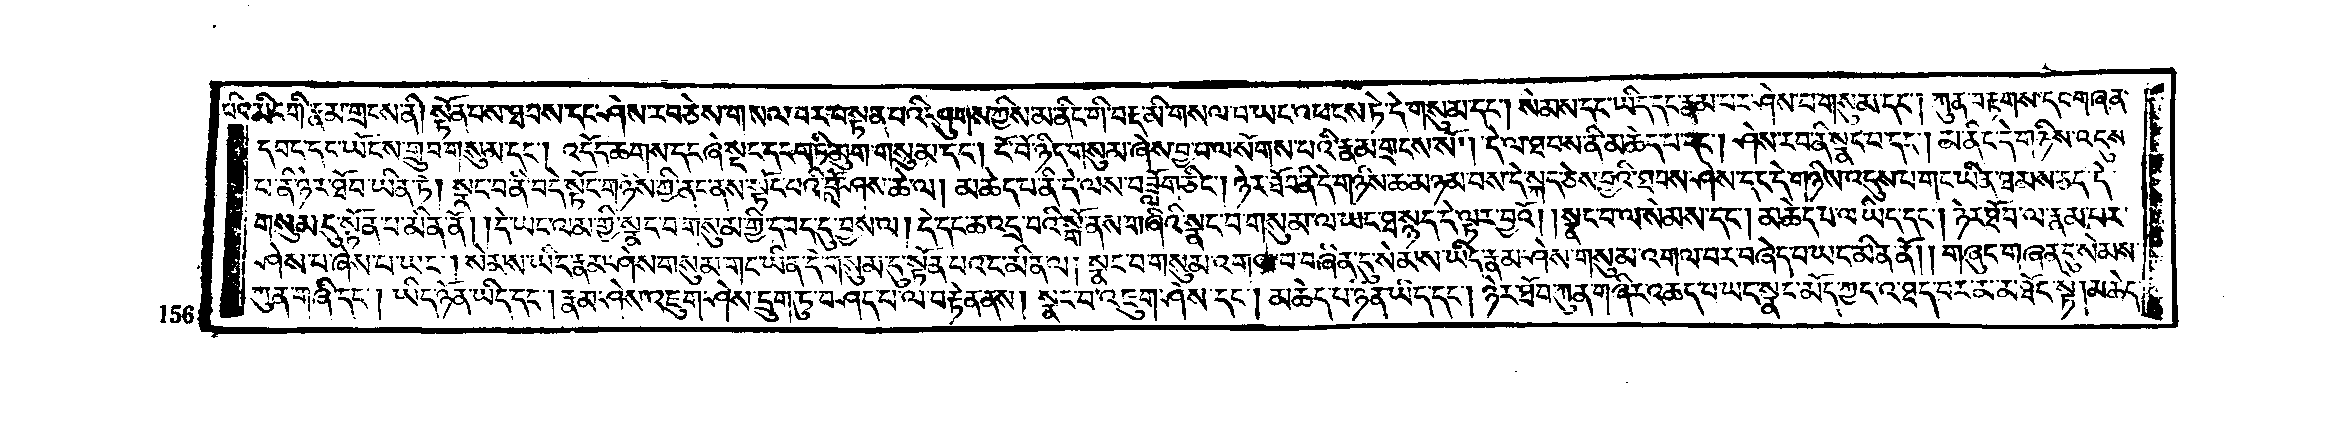པའི་མིང་གི་རྣམ་གྲངས་ནི། སྟོན་པས་ཐབས་དང་ཤེས་རབ་ཅེས་གསལ་བར་བསྟན་པའི་ཤུགས་ཀྱིས་མ་ནིང་གི་བརྡ་མི་གསལ་བ་ཡང་འཕངས་ཏེ་དེ་གསུམ་དང་། སེམས་དང་ཡིད་དང་རྣམ་པར་ཤེས་པ་གསུམ་དང་། ཀུན་བརྟགས་དང་གཞན་
དབང་དང་ཡོངས་གྲུབ་གསུམ་དང་། འདོད་ཆགས་དང་ཞེ་སྡང་དང་གཏི་མུག་གསུམ་དང་། ངོ་བོ་ཉིད་གསུམ་ཞེས་བྱ་བ་ལ་སོགས་པའི་རྣམ་གྲངས་སོ། །དེ་ལ་ཐབས་ནི་མཆེད་པ་དང་། ཤེས་རབ་ནི་སྣང་བ་དང་། མ་ནིང་དེ་གཉིས་འདུས་
པ་ནི་ཉེར་ཐོབ་ཡིན་ཏེ། སྣང་བ་ནི་བདེ་སྟོང་གཉིས་ཀྱི་ནང་ནས་སྟོང་པའི་བློ་ཤས་ཆེ་ལ། མཆེད་པ་ནི་དེ་ལས་བཟློག་ཅིང་། ཉེར་ཐོབ་ནི་དེ་གཉིས་ཆ་མཉམ་པས་དེ་སྐད་ཅེས་བྱའི་ཐབས་ཤེས་དང་དེ་གཉིས་འདུས་པ་གང་ཡིན་ཐམས་ཅད་དེ་
གསུམ་དུ་སྟོན་པ་མིན་ནོ། །དེ་ཡང་ལམ་གྱི་སྣང་བ་གསུམ་གྱི་དབང་དུ་བྱས་ལ། དེ་དང་ཆ་འདྲ་བའི་སྒོ་ནས་གཞིའི་སྣང་བ་གསུམ་ལ་ཡང་ཐ་སྙད་དེ་ལྟར་བྱའོ། །སྣང་བ་ལ་སེམས་དང་། མཆེད་པ་ལ་ཡིད་དང་། ཉེར་ཐོབ་ལ་རྣམ་པར་
ཤེས་པ་ཞེས་པ་ཡང་། སེམས་ཡིད་རྣམ་ཤེས་གསུམ་གང་ཡིན་དེ་གསུམ་དུ་སྟོན་པའང་མིན་ལ། སྣང་བ་གསུམ་འགལ་བ་བཞིན་དུ་སེམས་ཡིད་རྣམ་ཤེས་གསུམ་འགལ་བར་བཞེད་པ་ཡང་མིན་ནོ། །གཞུང་གཞན་དུ་སེམས་
ཀུན་གཞི་དང་། ཡིད་ཉོན་ཡིད་དང་། རྣམ་ཤེས་འཇུག་ཤེས་དྲུག་ཏུ་བཤད་པ་ལ་བརྟེན་ནས། སྣང་བ་འཇུག་ཤེས་དང་། མཆེད་པ་ཉོན་ཡིད་དང་། ཉེར་ཐོབ་ཀུན་གཞིར་འཆད་པ་ཡང་སྣང་མོད་ཀྱང་འཐད་བར་མ་མཐོང་སྟེ། མཆེད་